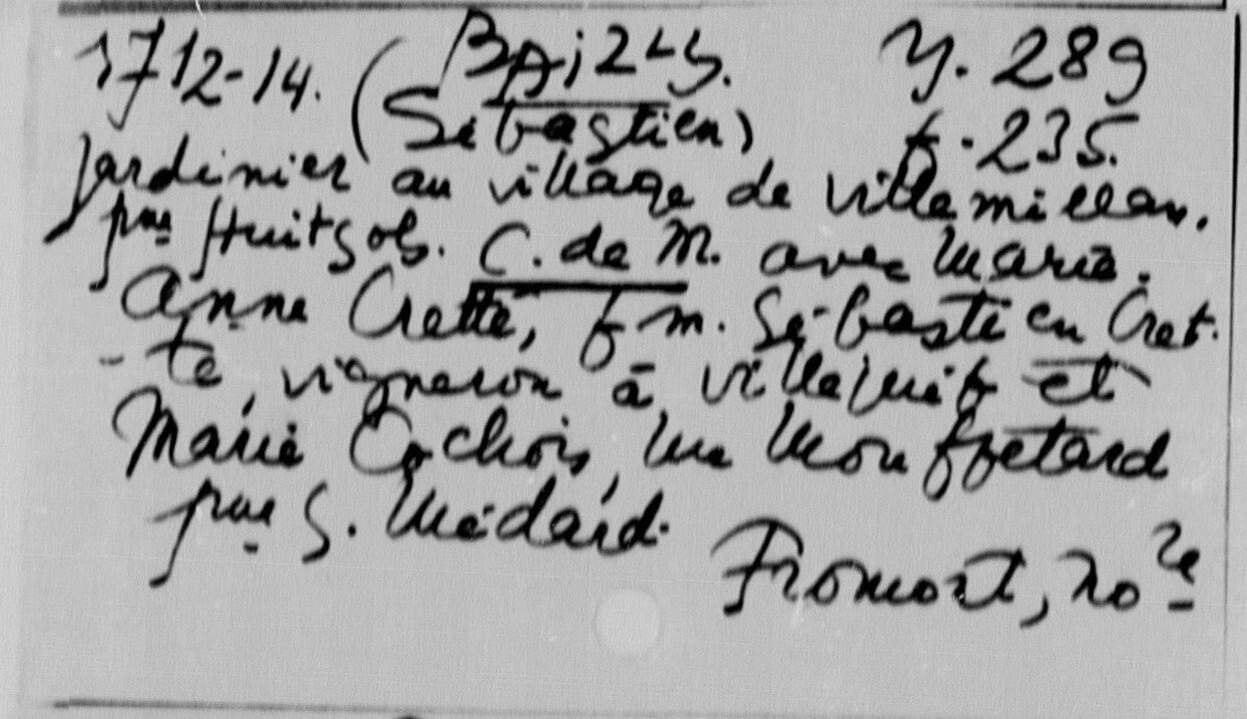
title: BAILLY (Sébastien)
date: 1712-1714
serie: Y
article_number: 289
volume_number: folio 235
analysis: Jardinier au Village de Villemillan [Villemilan], paroisse Huitsols [Wissous]. Contrat de mariage avec Marie Anne Cretté, fille majeure Sébastien Cretté, vigneron à Villejuif et Marie Cochois, rue Mouffetard, paroisse Saint-Médard. Fromont, notaire
